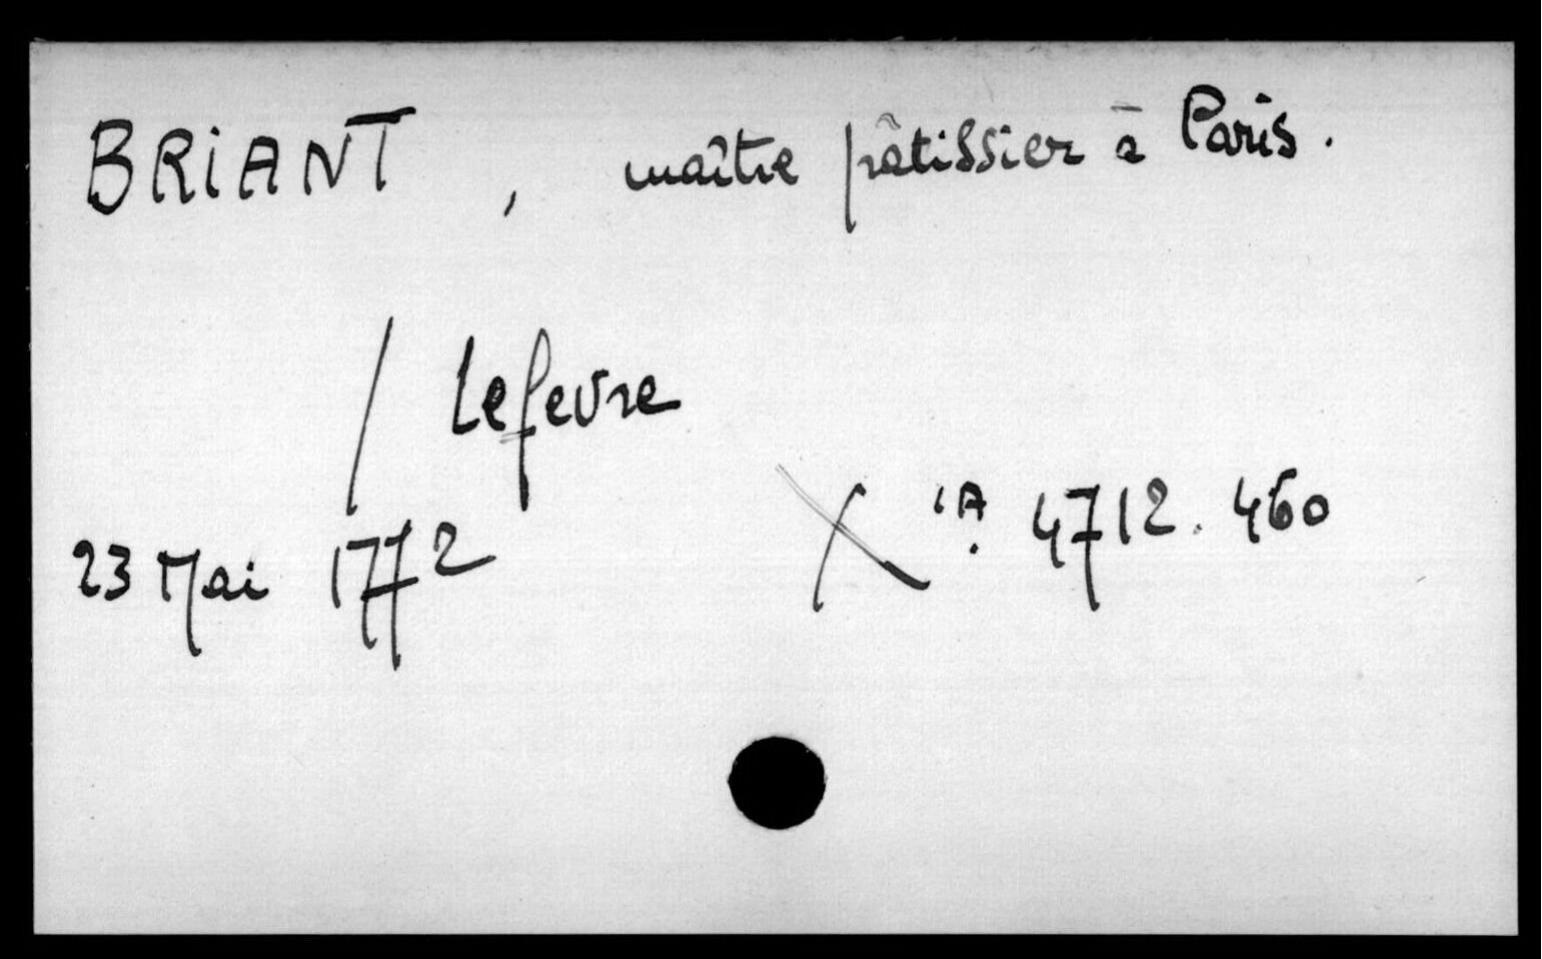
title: BRIANT, maître pâtissier à Paris.
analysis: Contre Lefevre
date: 23 mai 1772
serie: X1A
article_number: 4712
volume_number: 460
